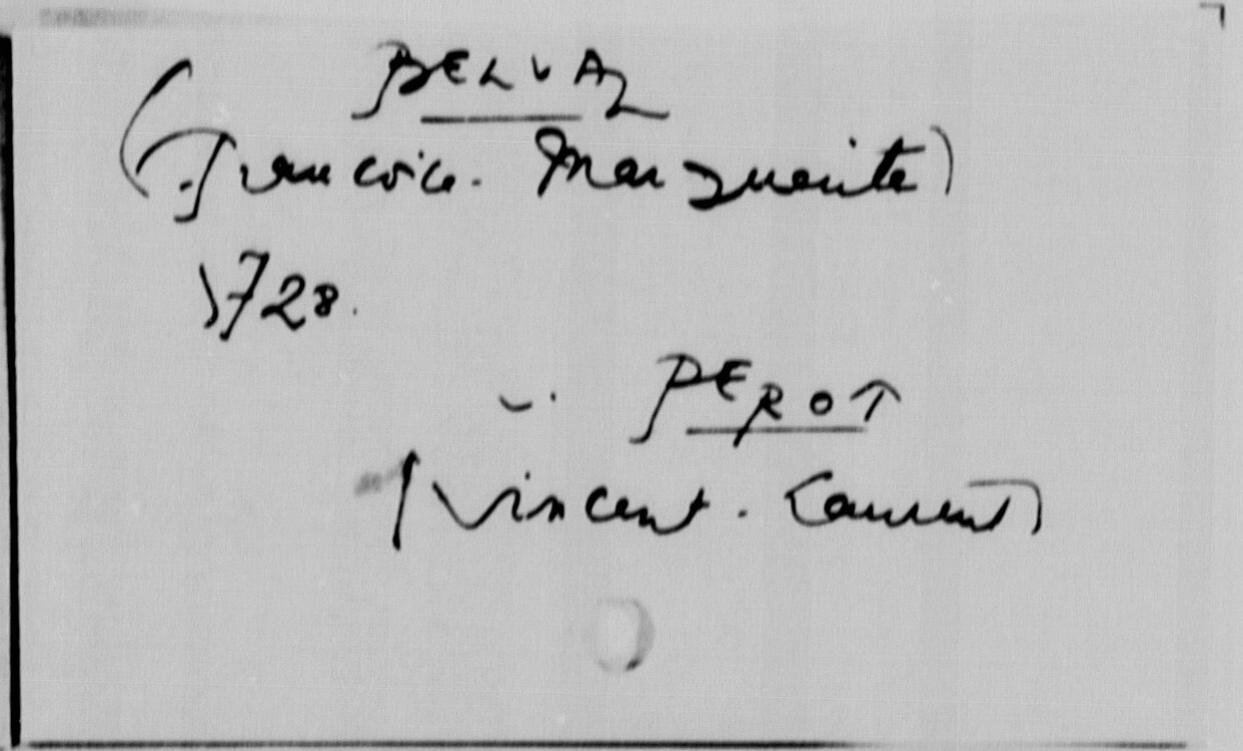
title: BELVAL (Françoise-Marguerite)
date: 1728
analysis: Voir PEROT (Vincent-Laurent)
